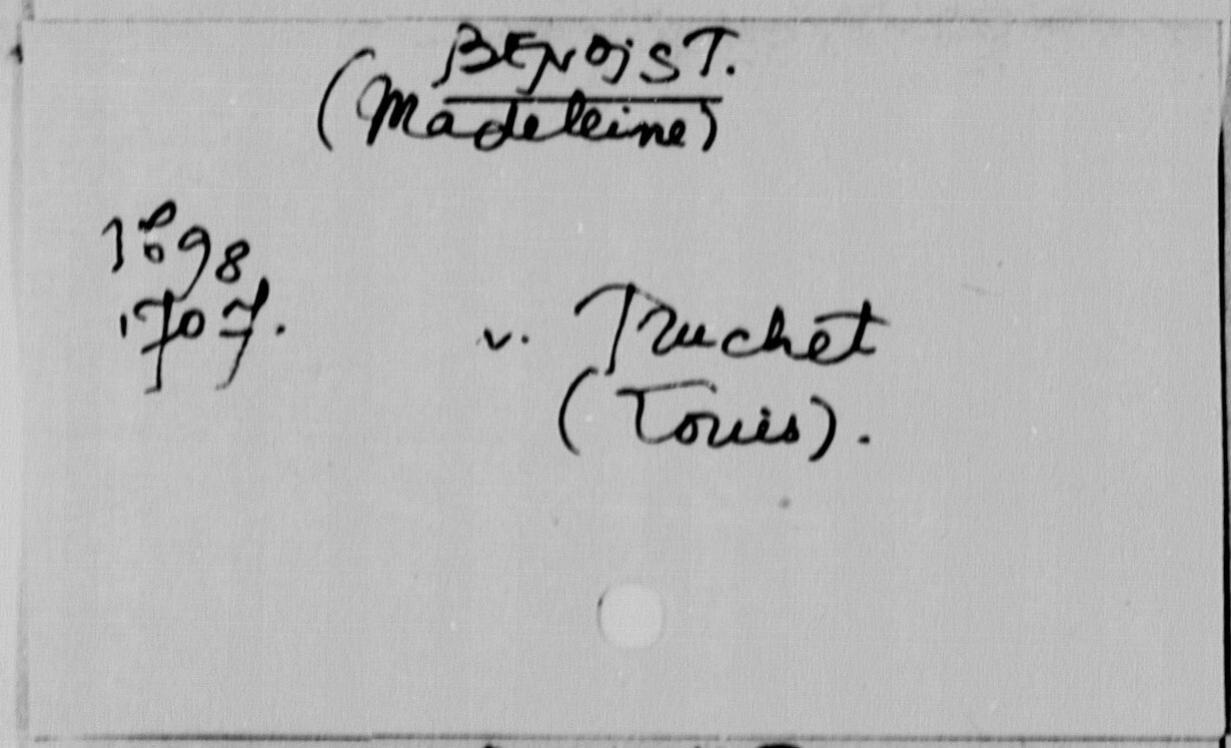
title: BENOIST (Madeleine)
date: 1698-1707
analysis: Voir : TRUCHET (Louis)
